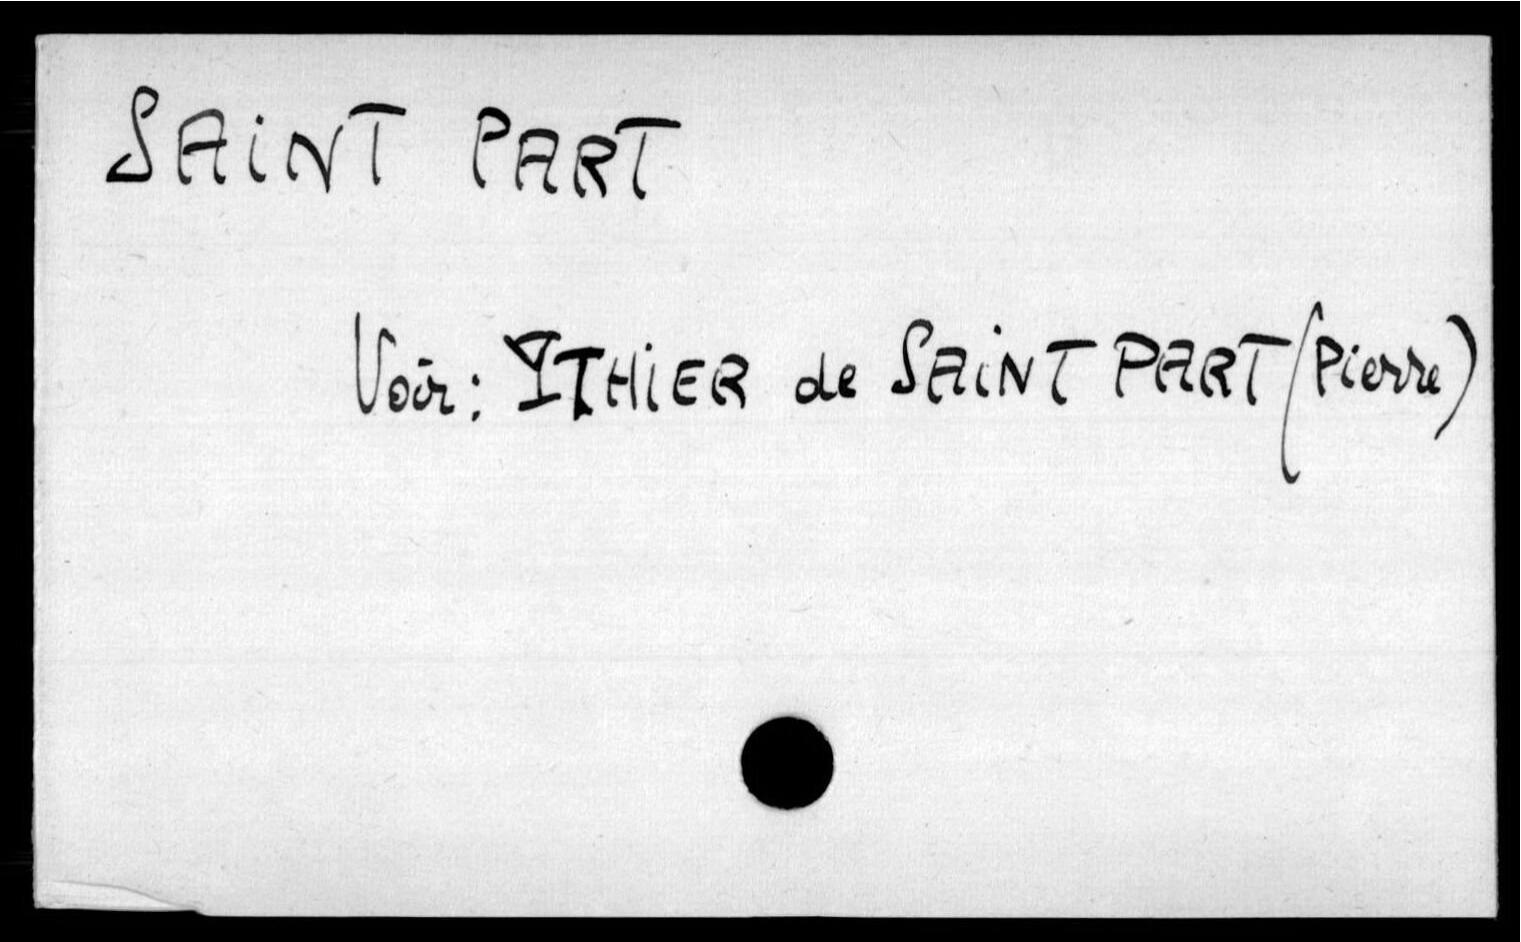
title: SAINT PART
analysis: Voir : ETHIER de SAINT PART (Pierre)
